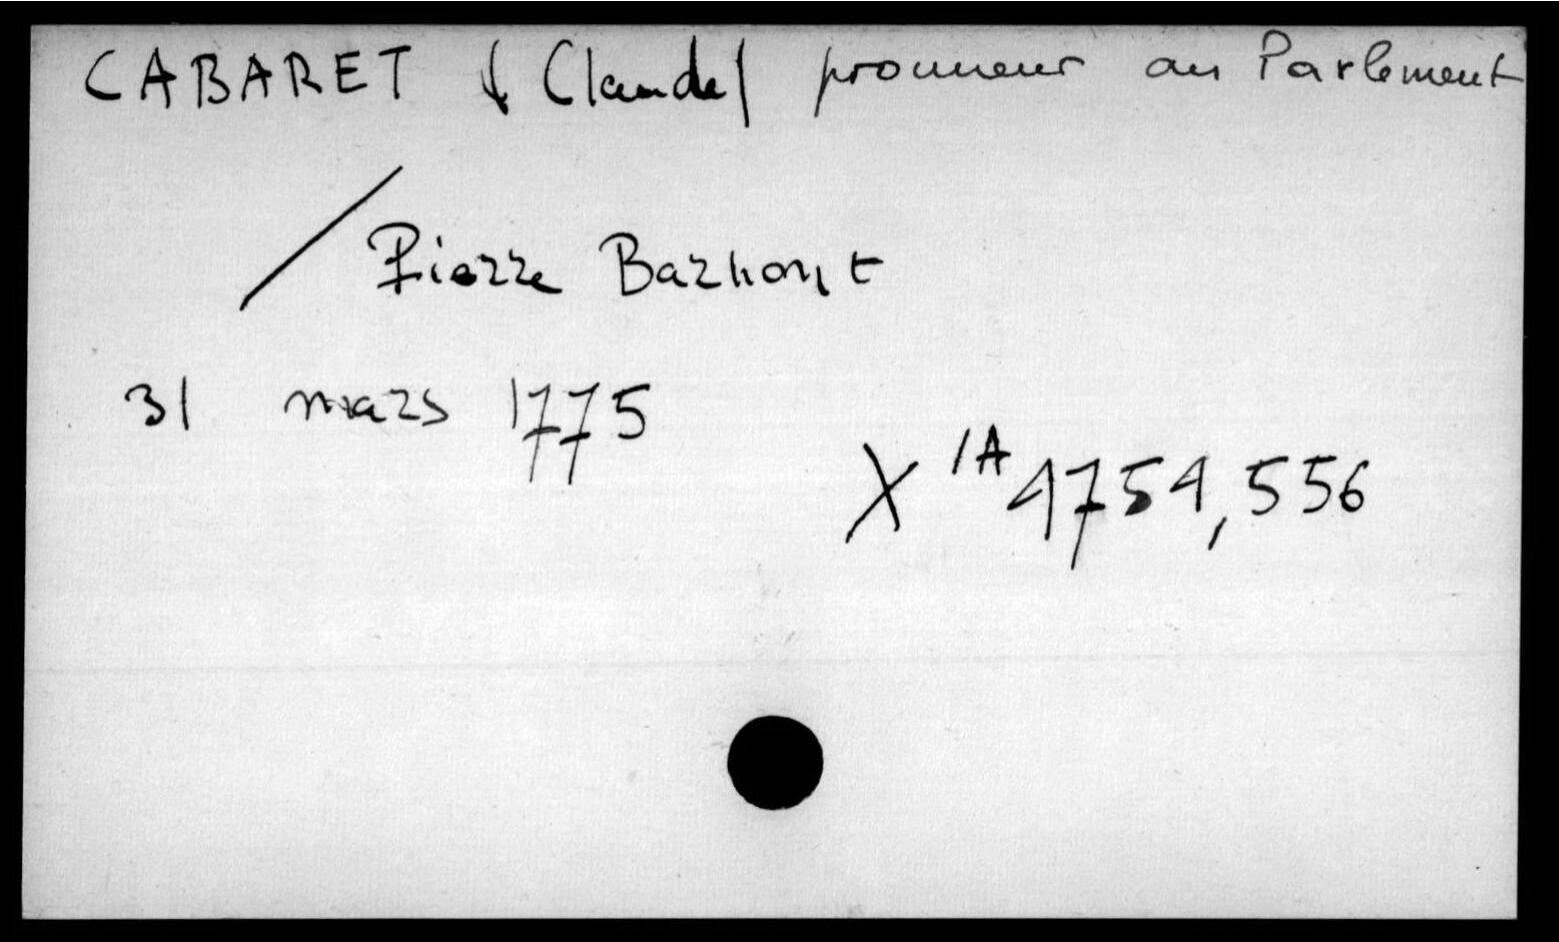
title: CABARET (Claude) procureur au Parlement
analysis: Contre Pierre Barnont
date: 31 mars 1775
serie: X1A
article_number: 4754
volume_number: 556
